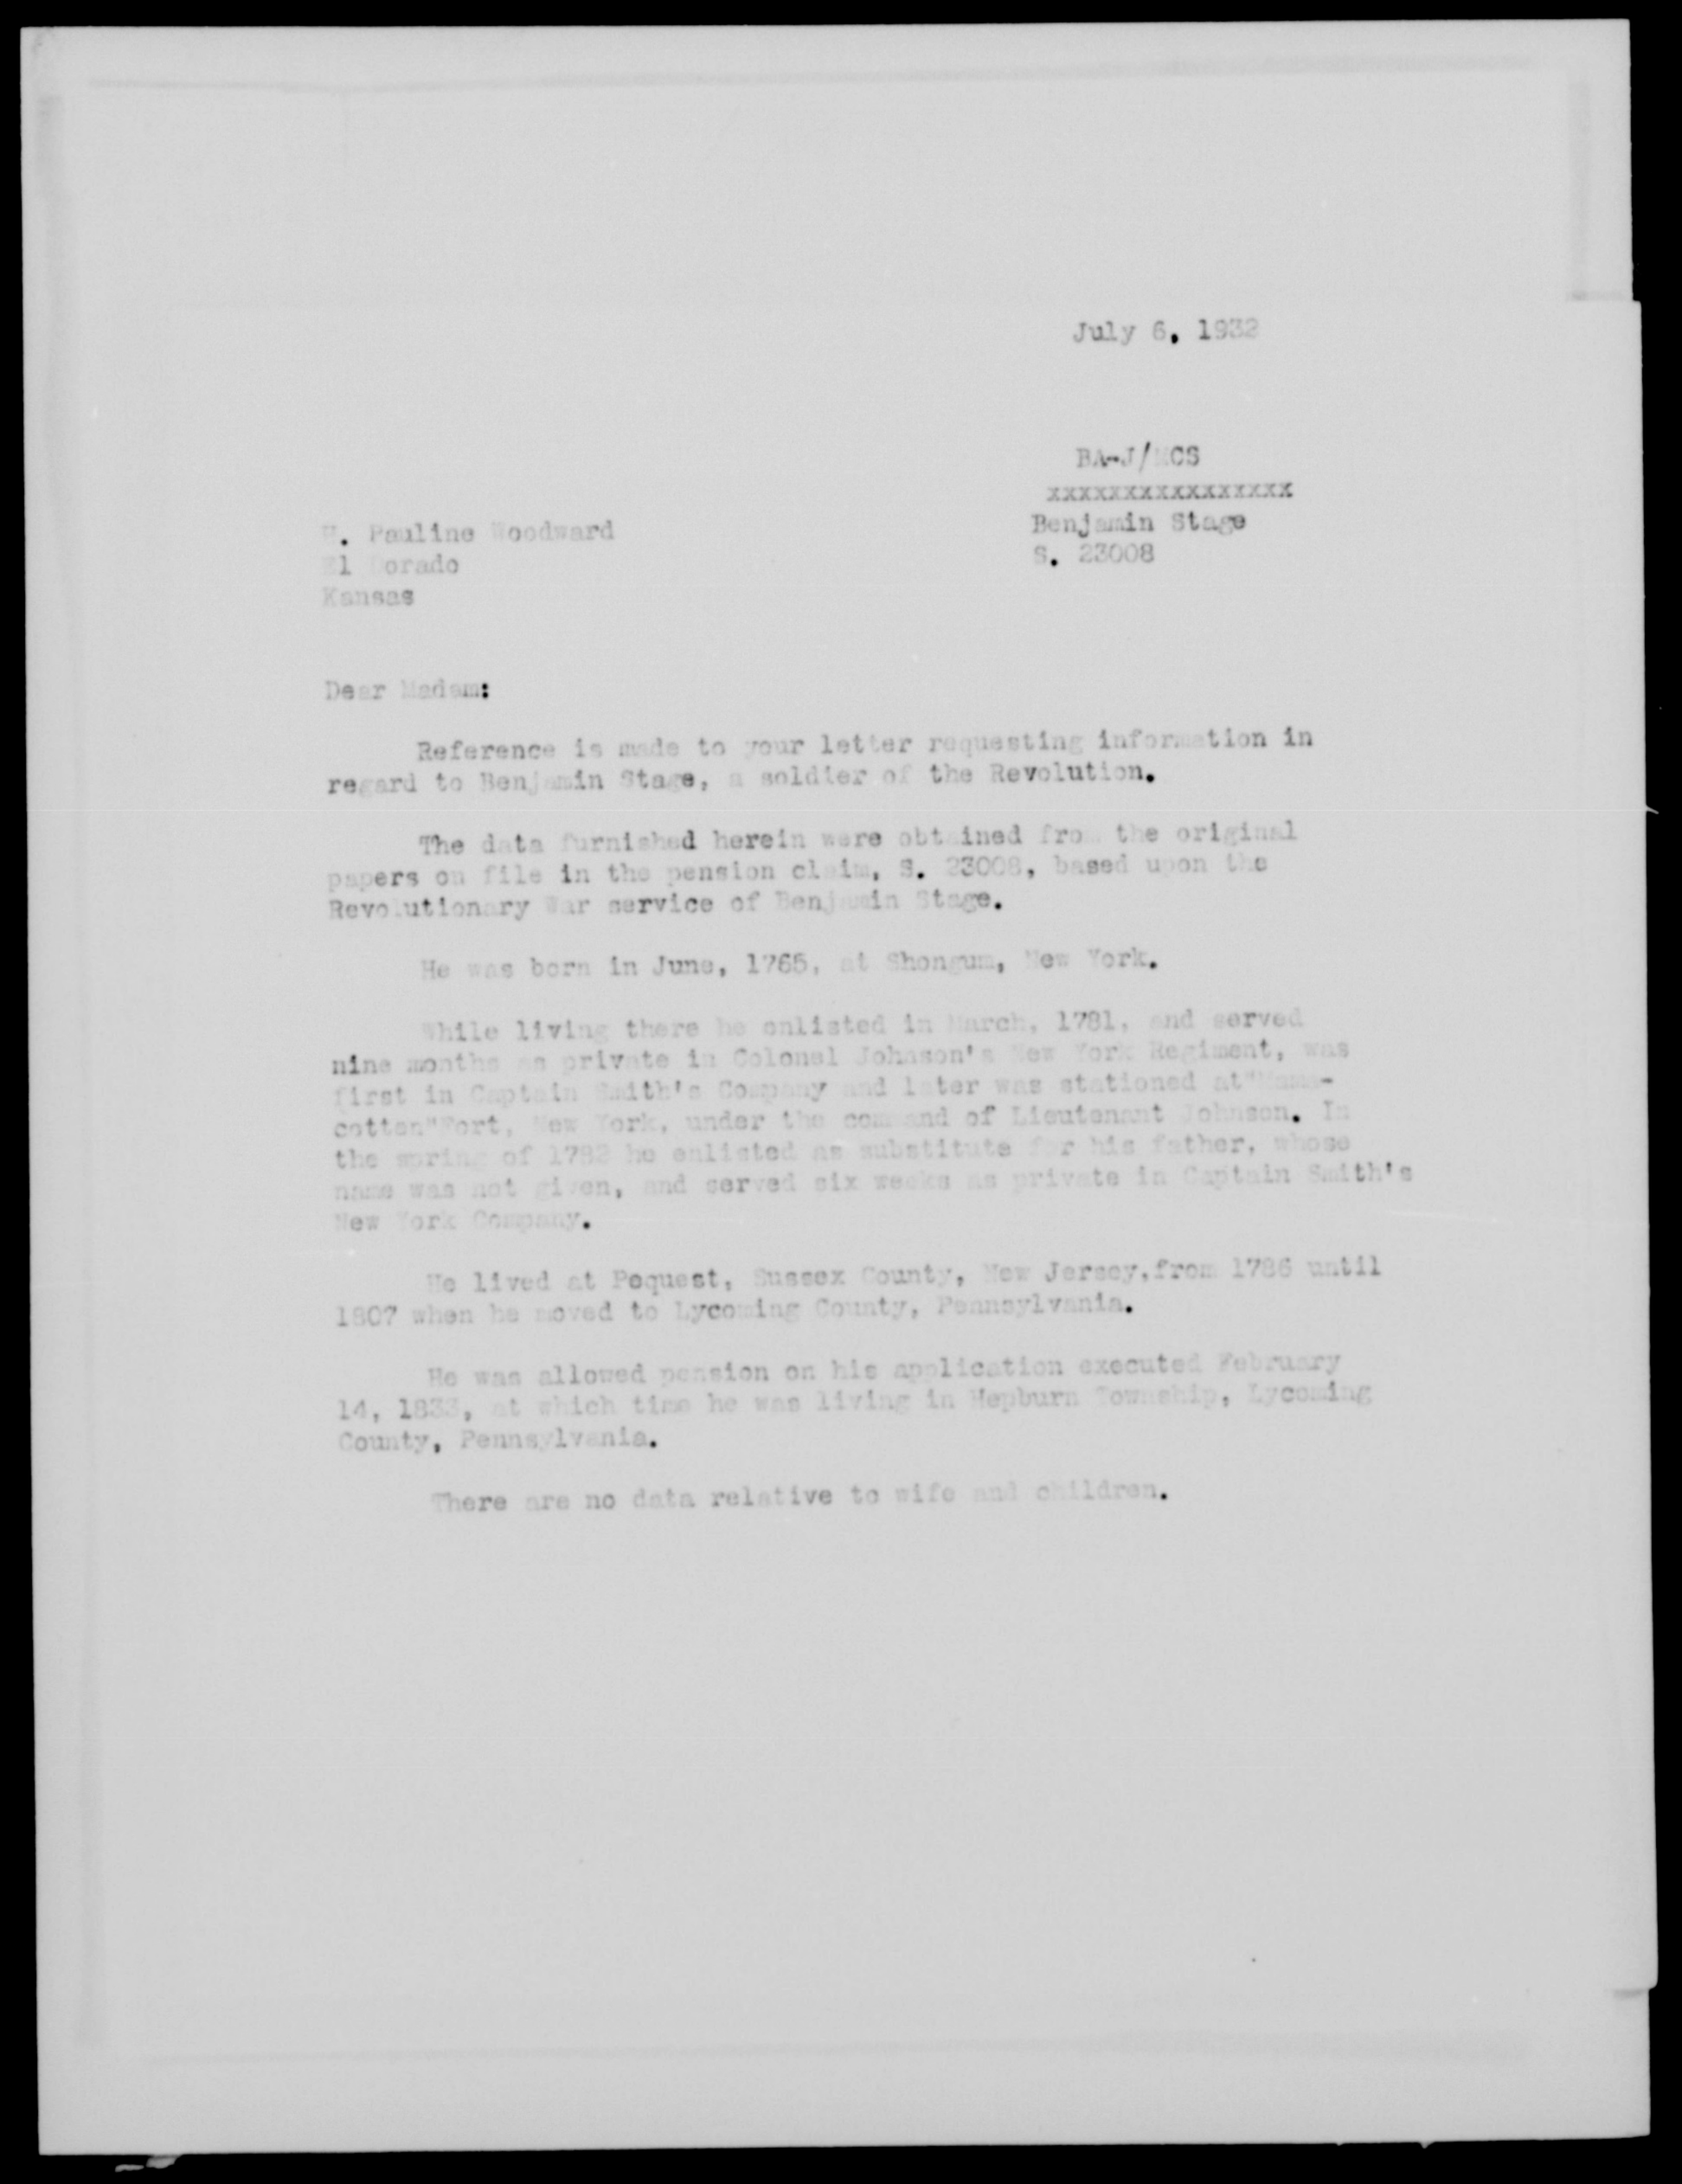July 6, 1932
BA-J/KCS
xxxxxxxxxxxxxxx
Benjamin Stage
S. 23008

H. Pauline Woodward
El Dorado
Kansas

Dear Madam: 
Reference is made to your letter requesting information in regard to Benjamin Stage, a soldier of the Revolution. 
 The data furnished herein were obtained from the original papers on file in the pension claim, S. 23008, based upon the Revolutionary War service of Benjamin Stage. 
 He was born in June, 1765, at Shongum, New York. 
 While living there he enlisted in March, 1781, and served nine months as private in colonel Johnson's New York Regiment, was first in Captain Smith's Company and later was stationed at "Mamacotten" Fort, New York, under the command of Lieutenant Johnson.  In the spring of 1782 he enlisted as substitute for his father, whose name was not given, and served six weeks as private in Captain Smith's New York Company. 
He lived at Pequest, Sussex County, New Jersey, from 1786 until 1807 when he moved to Lycoming County, Pennsylvania.
 He was allowed pension on his application executed February 14, 1833, at which time he was living is Hepburn Township, Lycoming County, Pennsylvania. 
 There are no data relative to wife and children.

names: Pauline Woodward; Benjamin Stage; Benjamin Stage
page: 12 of 23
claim: survivor's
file: S. 23008, for Benjamin Stage, New York